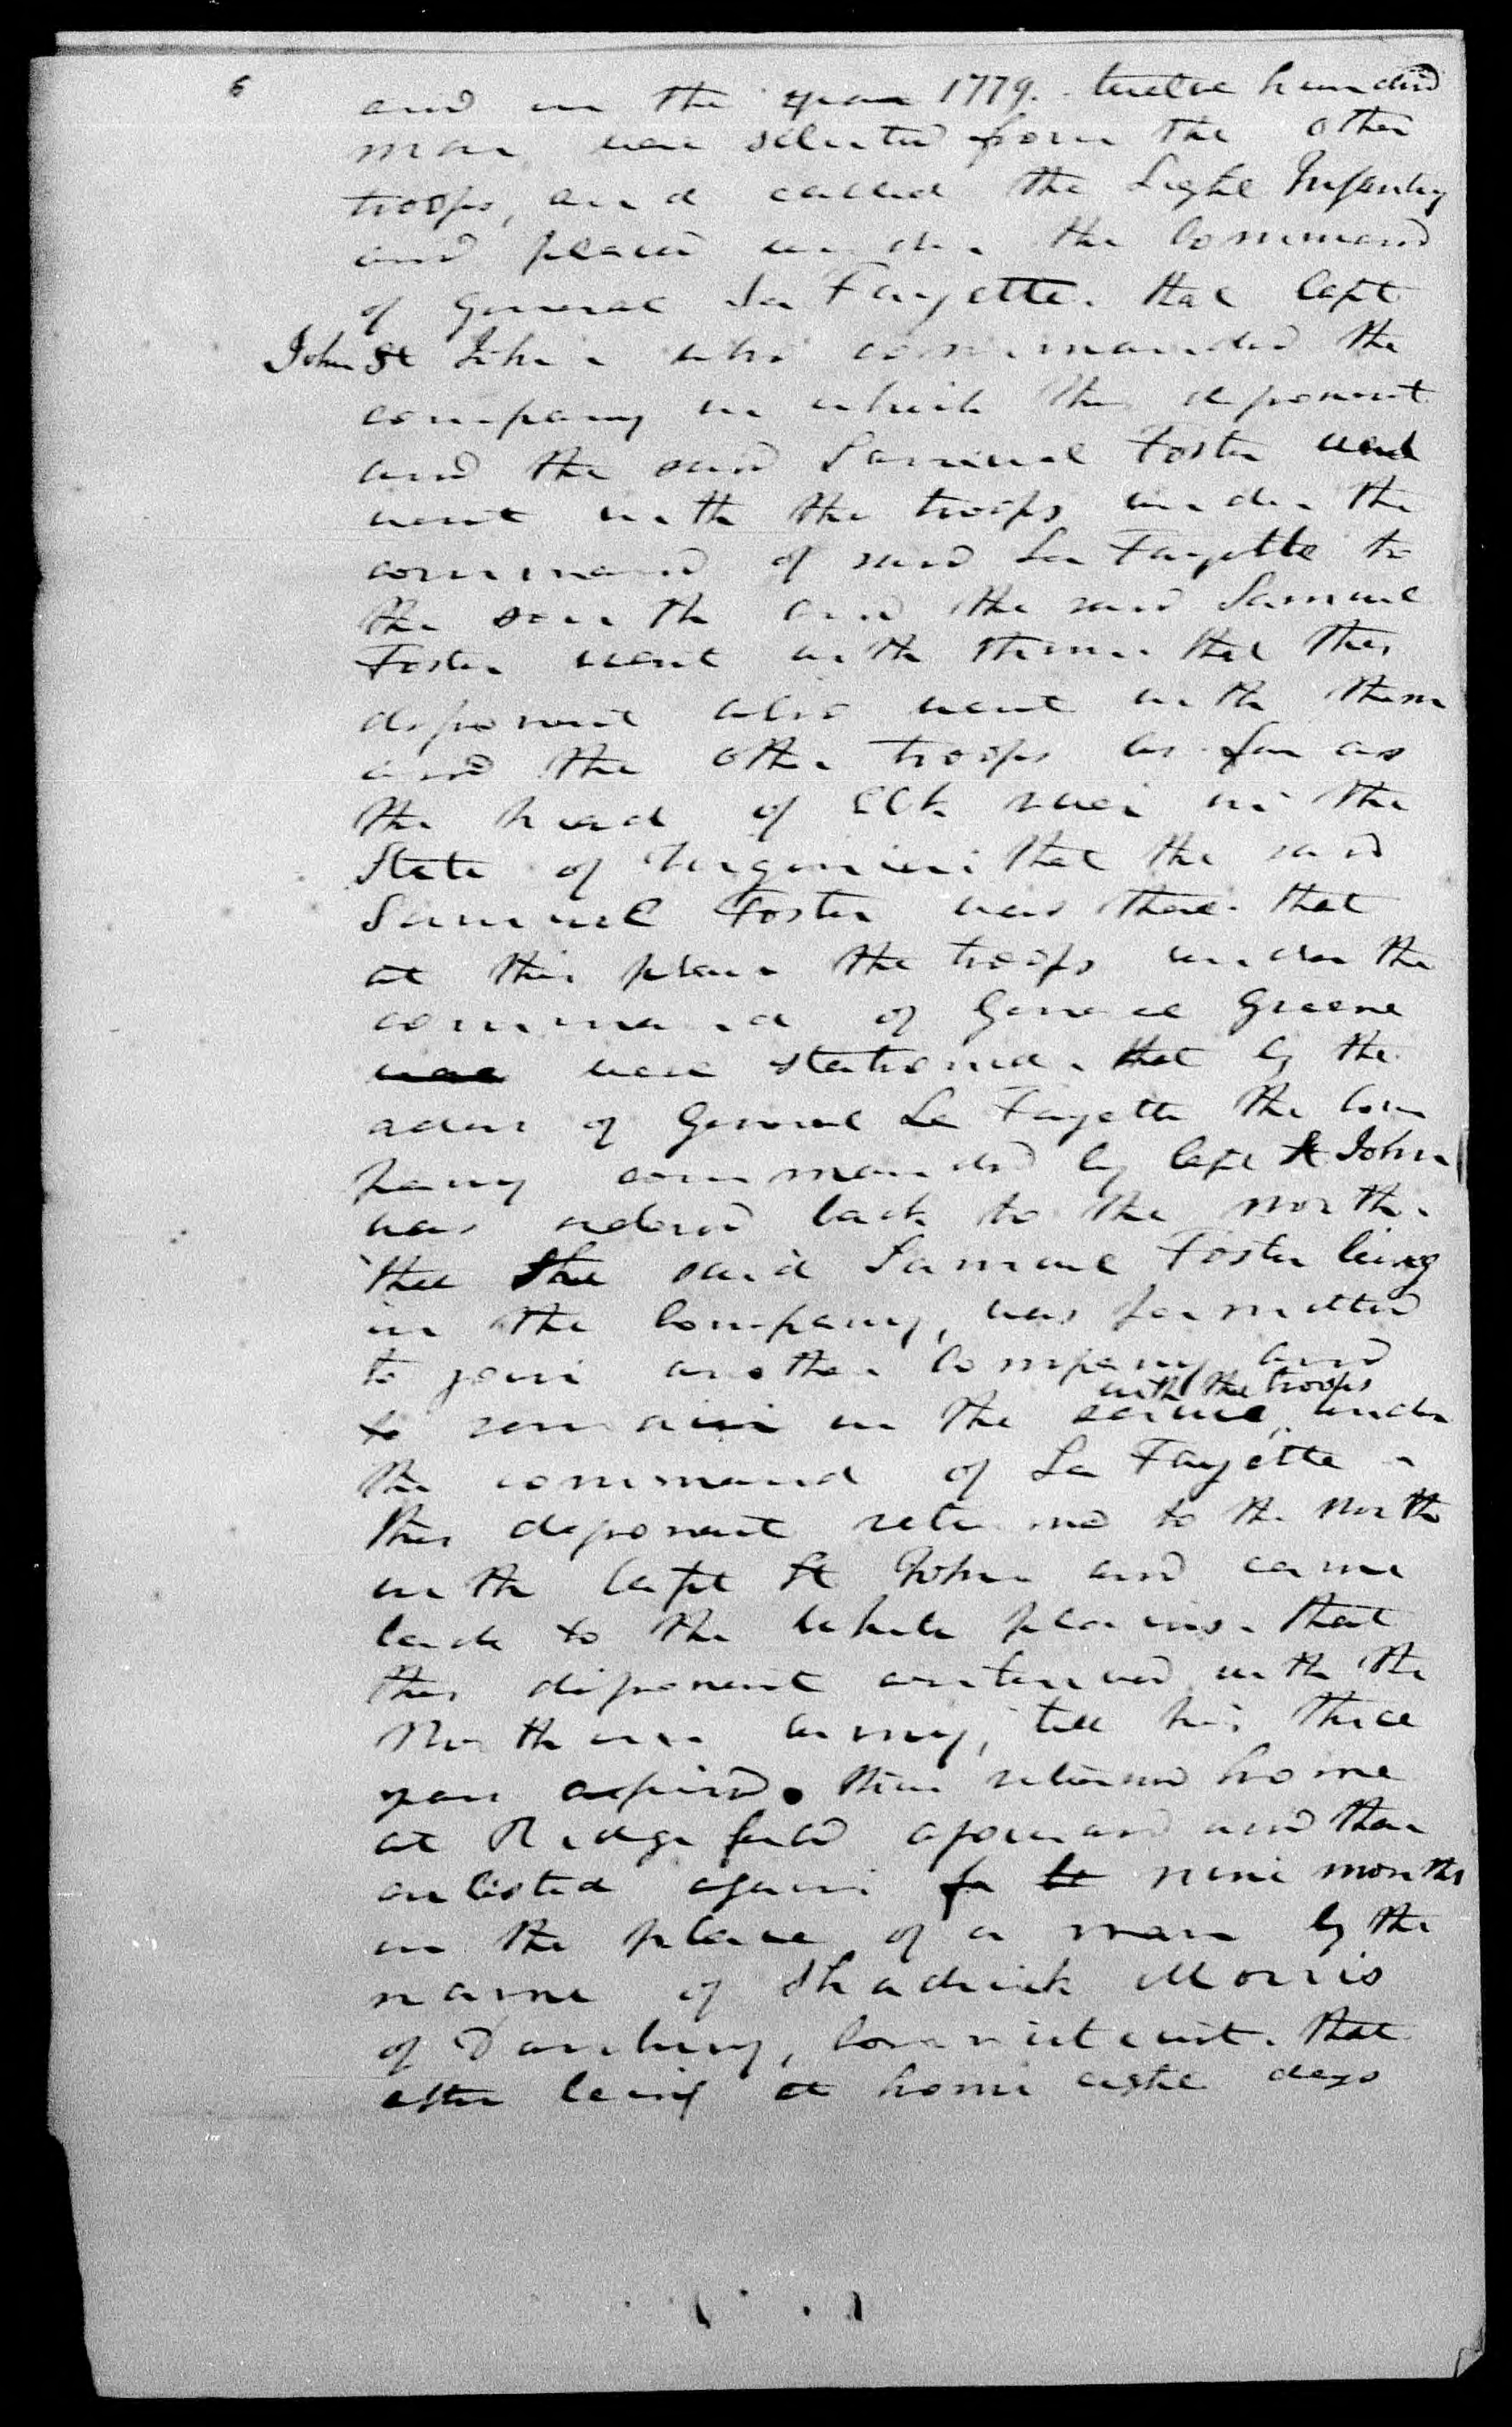6
and in the year 1779. twelve hundred men were selected from the other troops, and called the Light Infantry and placed under the Command of General La Fayette. that Capt. John St John who commanded the company in which this deponent and the said Samuel Foster and went with the troops under the command of said La Fayette to the south and the said Samuel Foster went with them that this deponent also went with them and the other troops as far as the head of Elk river in the State of Virginia. that the said Samuel Foster was there. that at this place the troops under the command of General Greene [word crossed out] were stationed. that by the [illegible] of General La Fayette the [illegible] commanded by Capt St John has ordered back to the north. that the said Samuel Foster being in the Company, was permitted to join another company and to remain in the service with the troops under the command of La Fayette. this deponent returned to the north  with Capt St John and came back to the White plains. that this deponent continued with the Northern Army till his thrice year expired  then returned home at Ridgefield [illegible] and then enlisted again for [word crossed out] nine months in the place of a man by the name of Shadrick Morris of Danbury, Connecticut. that after being at home eight days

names: John St John, Samuel Foster, Greene, St John, La Fayette, Samuel Foster, St John, La Fayette, La Fayette, Samuel Foster, Samuel Foster, Le Fayette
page: 37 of 54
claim: survivor's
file: S. 13,043, Samuel Foster, Conn.